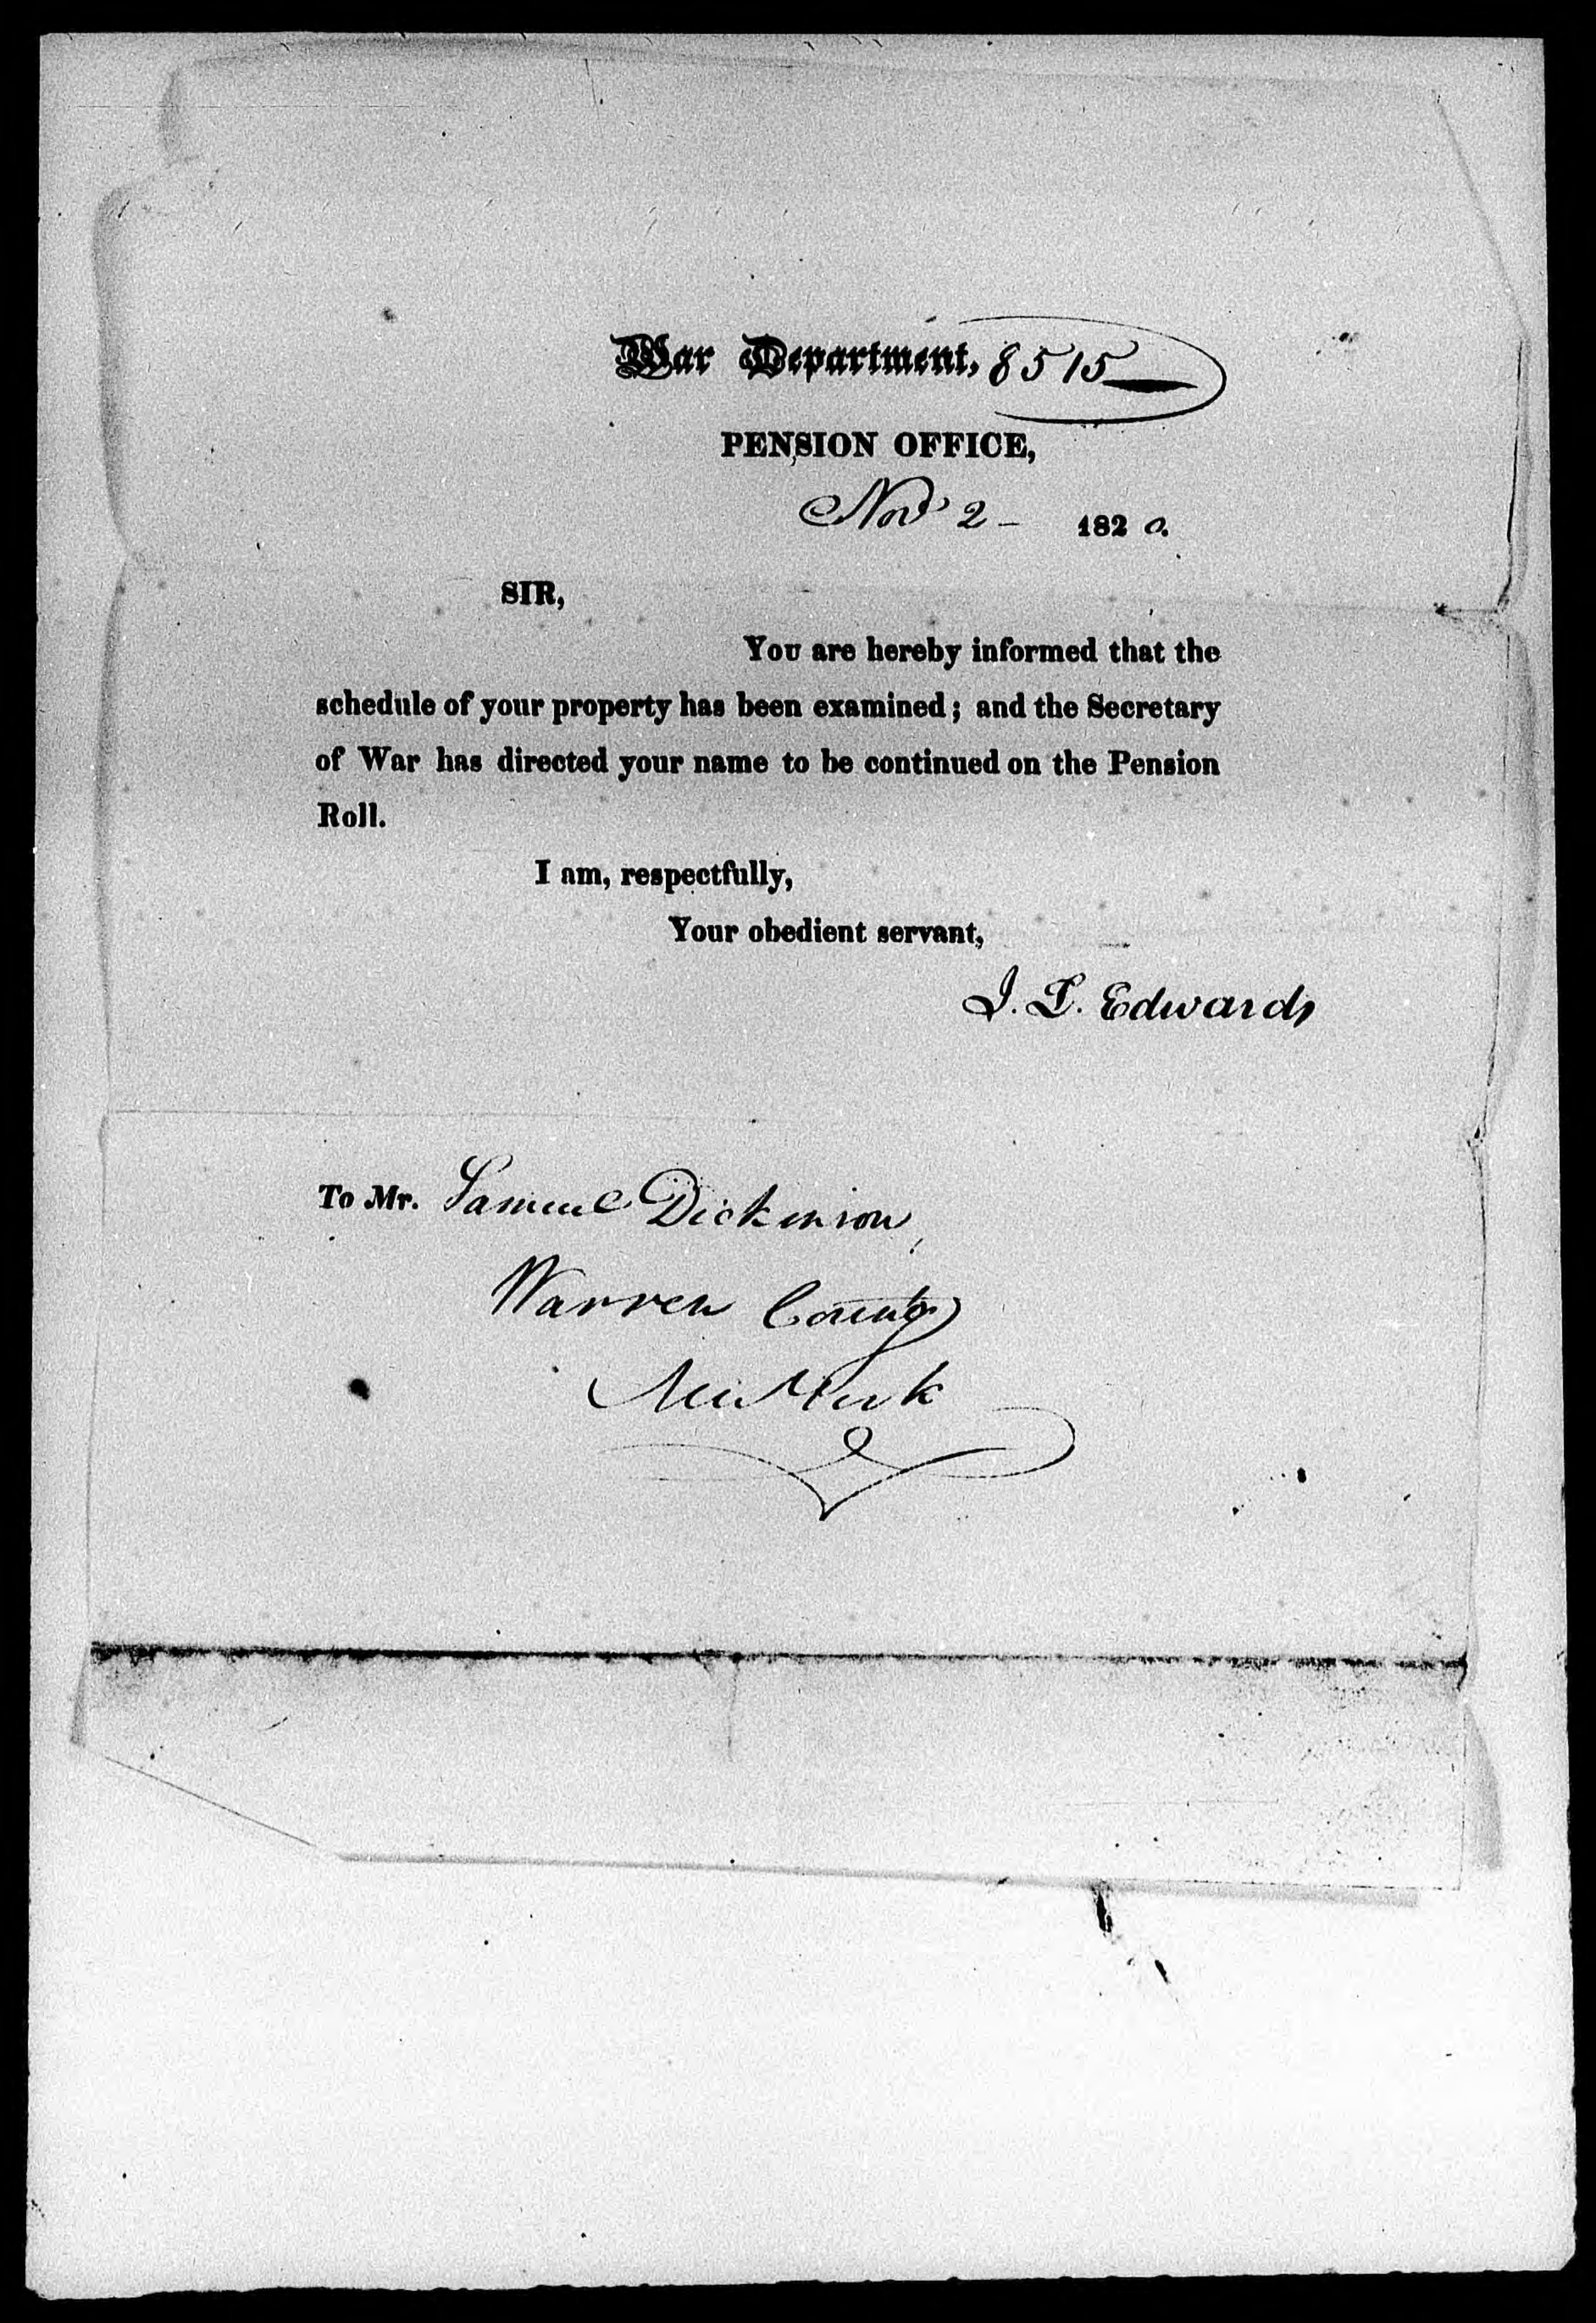War Department, 8515
PENSION OFFICE,
Nov 2, 1820

Sir,
You are hereby informed that the
schedule of your property has been examined; and the Secretary
of War has directed your name to be continued on the Pension
Roll.

I am, respectfully,
Your obedient servant,
J.L. Edwards


To Mr. Samuel Dickinson
Warren County
New York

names: J L Edwards, Samuel Dickinson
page: 42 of 60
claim: widow's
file: W 16,955, Samuel Dickinson, Conn.